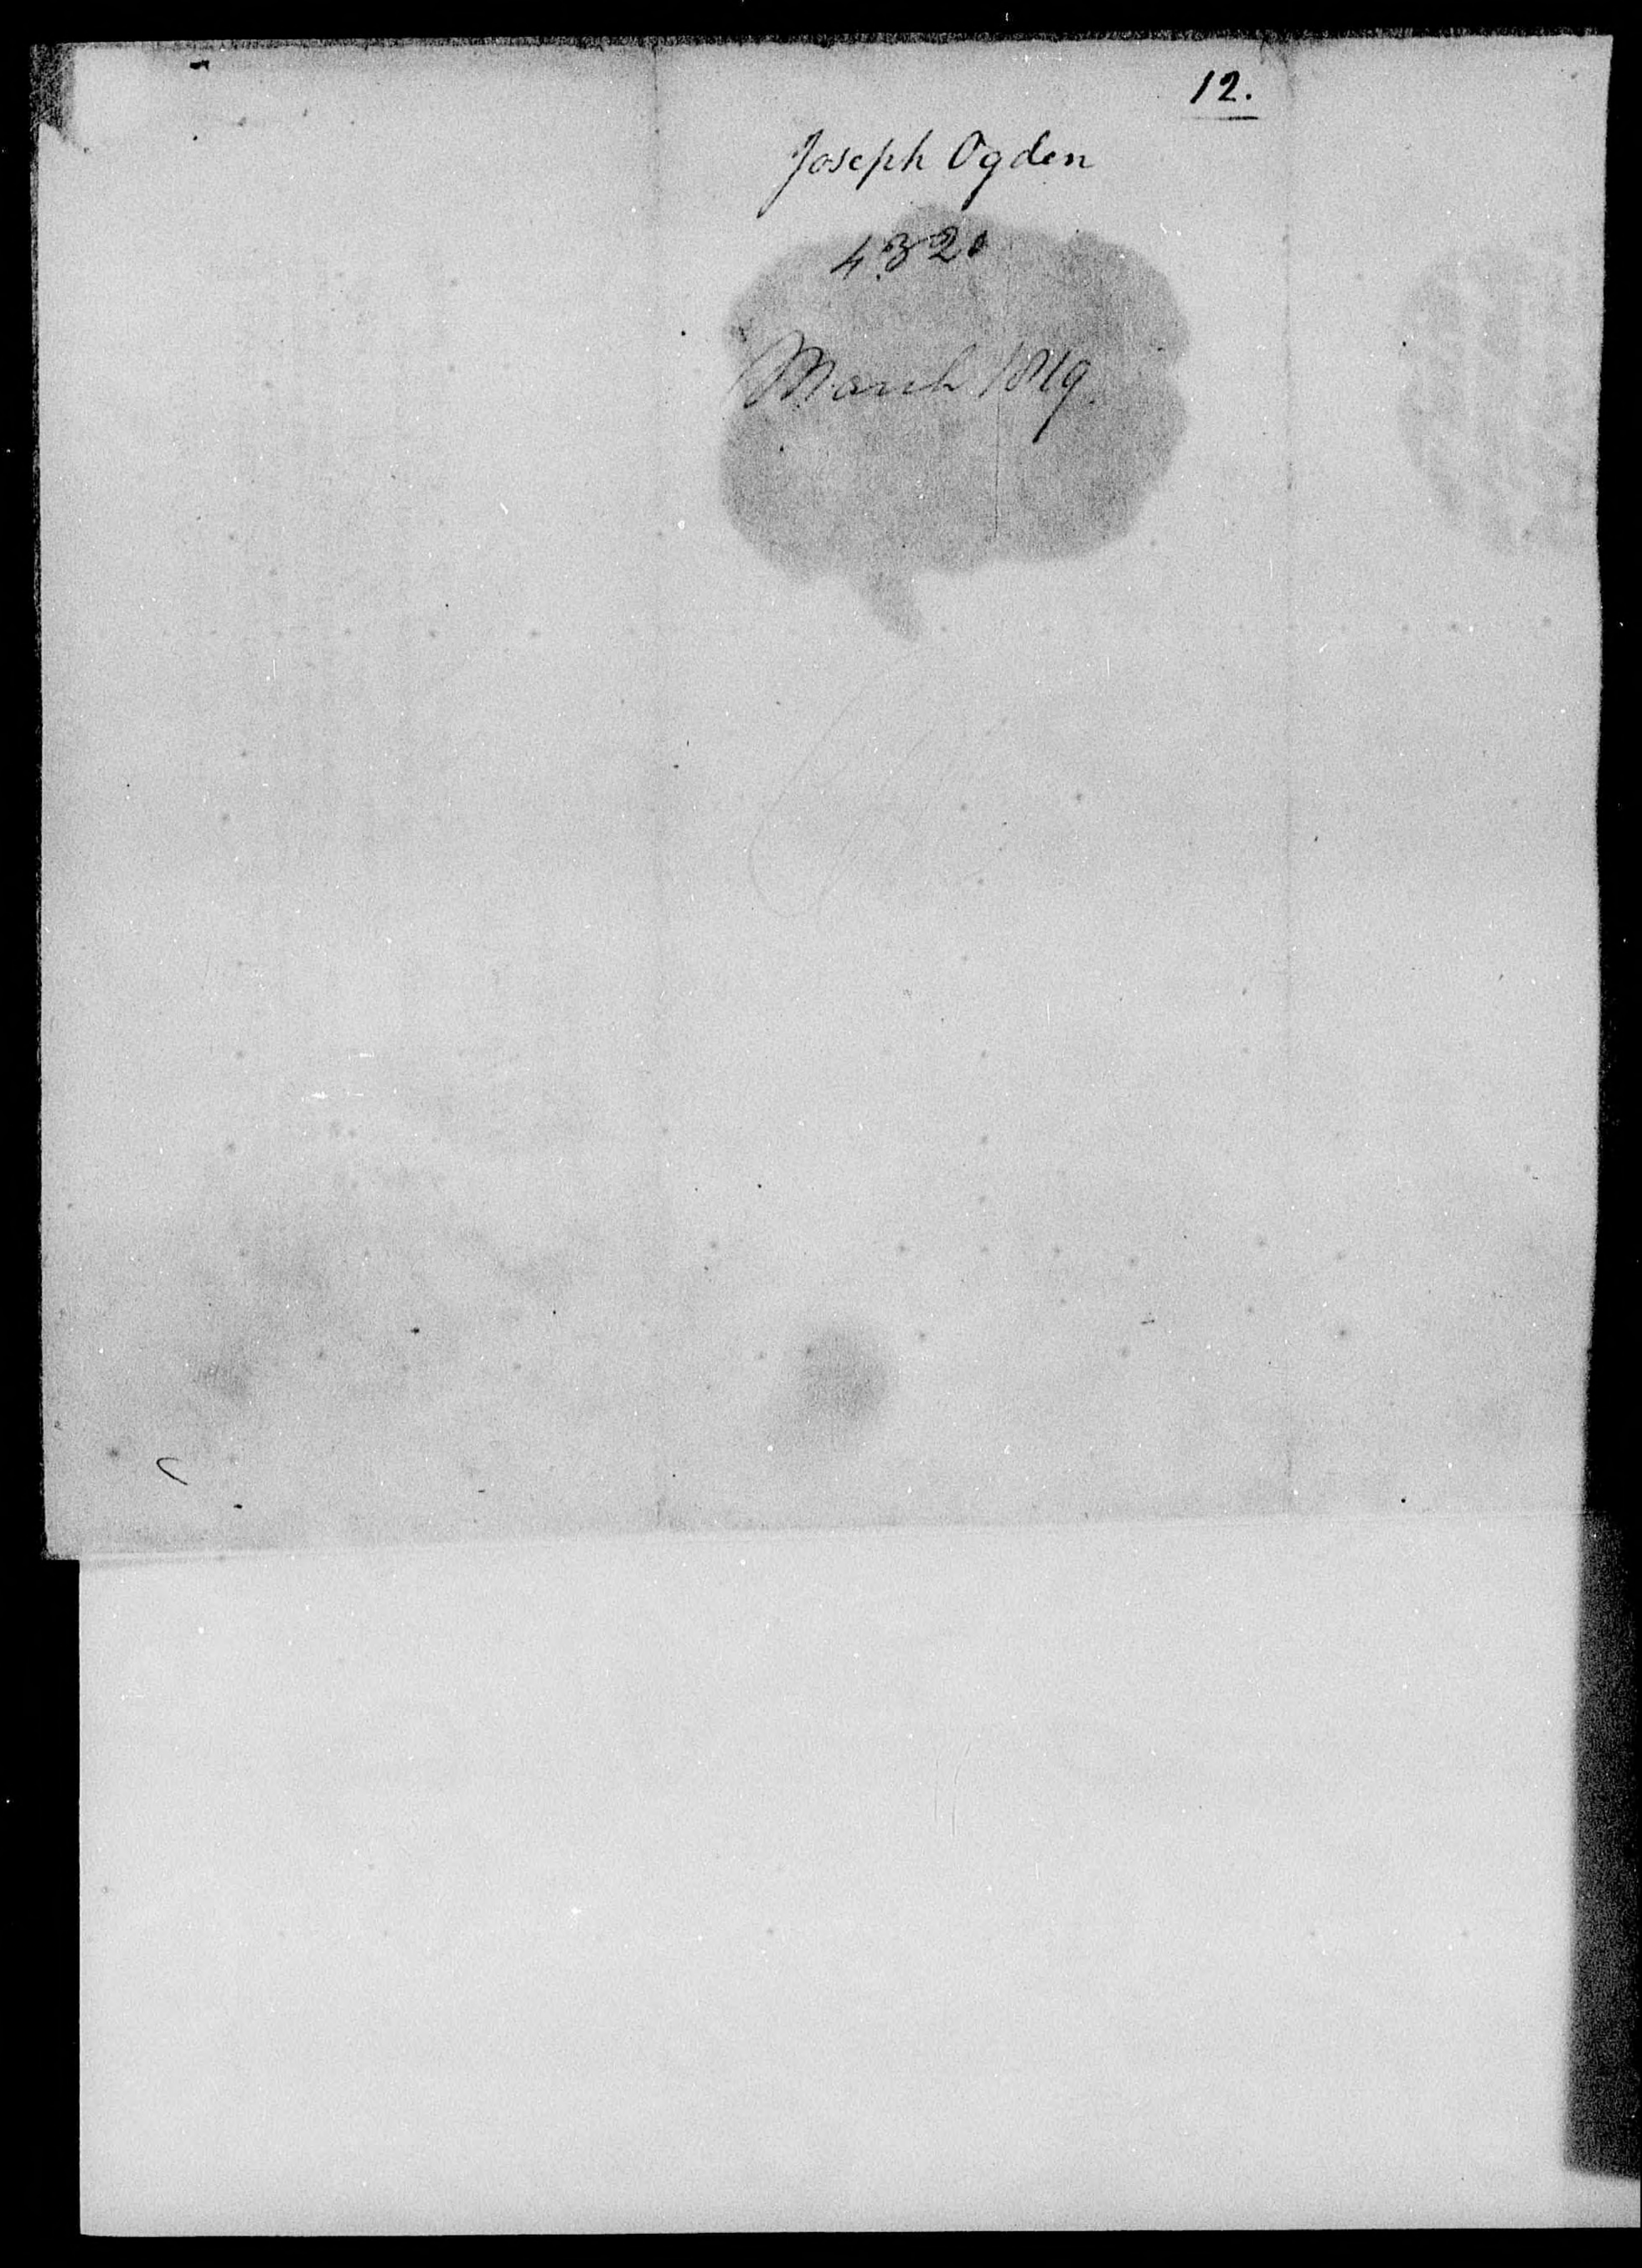12.
Joseph Ogden
4.320
March 1819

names: Joseph Ogden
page: 5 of 15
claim: survivor's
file: S. 38,277, for Joseph Ogden, Connecticut